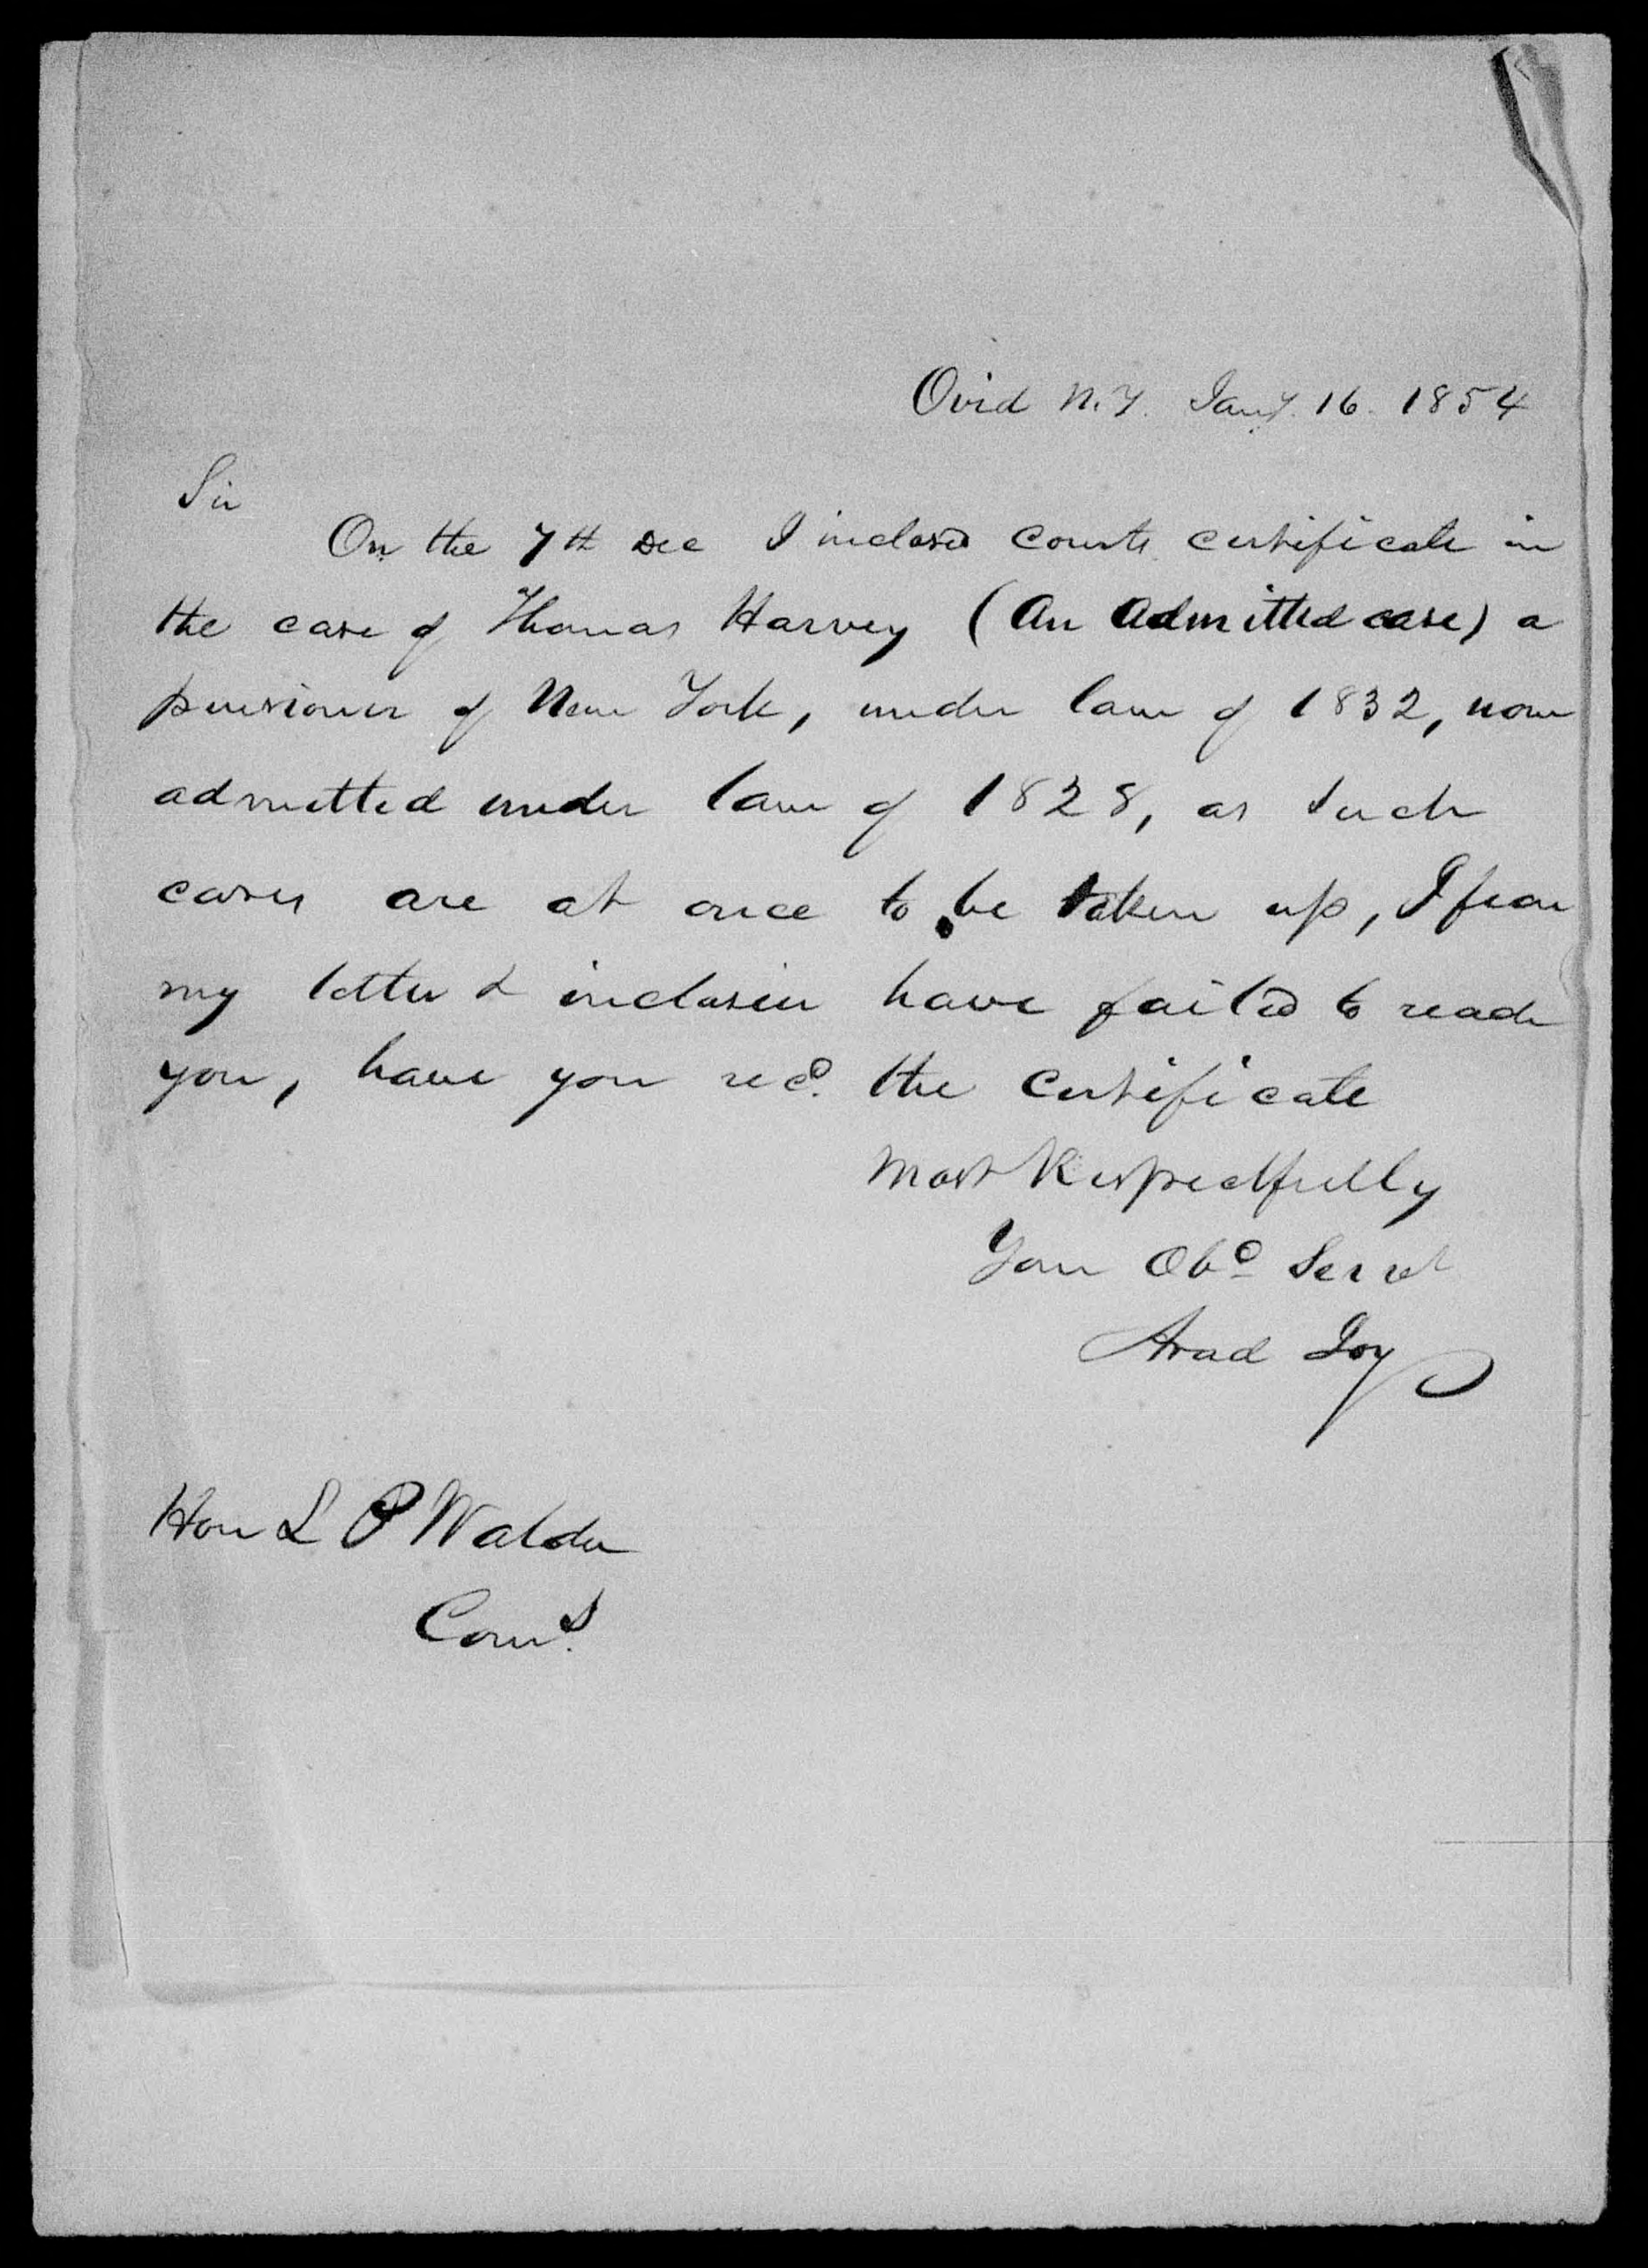[handwritten letter]
Ovid N.Y. Jan'y 16, 1854

Sir
On the 7th Dec I inclosed courts certificate in the case of Thomas Harvey (an admitted case) a pensioner of New York, under law of 1832, now admitted under law of 1828, as such cases are at once to be taken up, I fear my letter & inclosure have failed to reach you, have you rec'd the certificate
Most Respectfully Your Ob't Serv't
/s/Arad Joy 
Hon. L. P. Waldo
Com'r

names: L P Waldo, Thomas Harvey, Arad Joy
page: 27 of 80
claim: survivor's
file: S. 18008, Thomas Harvey, N.H.